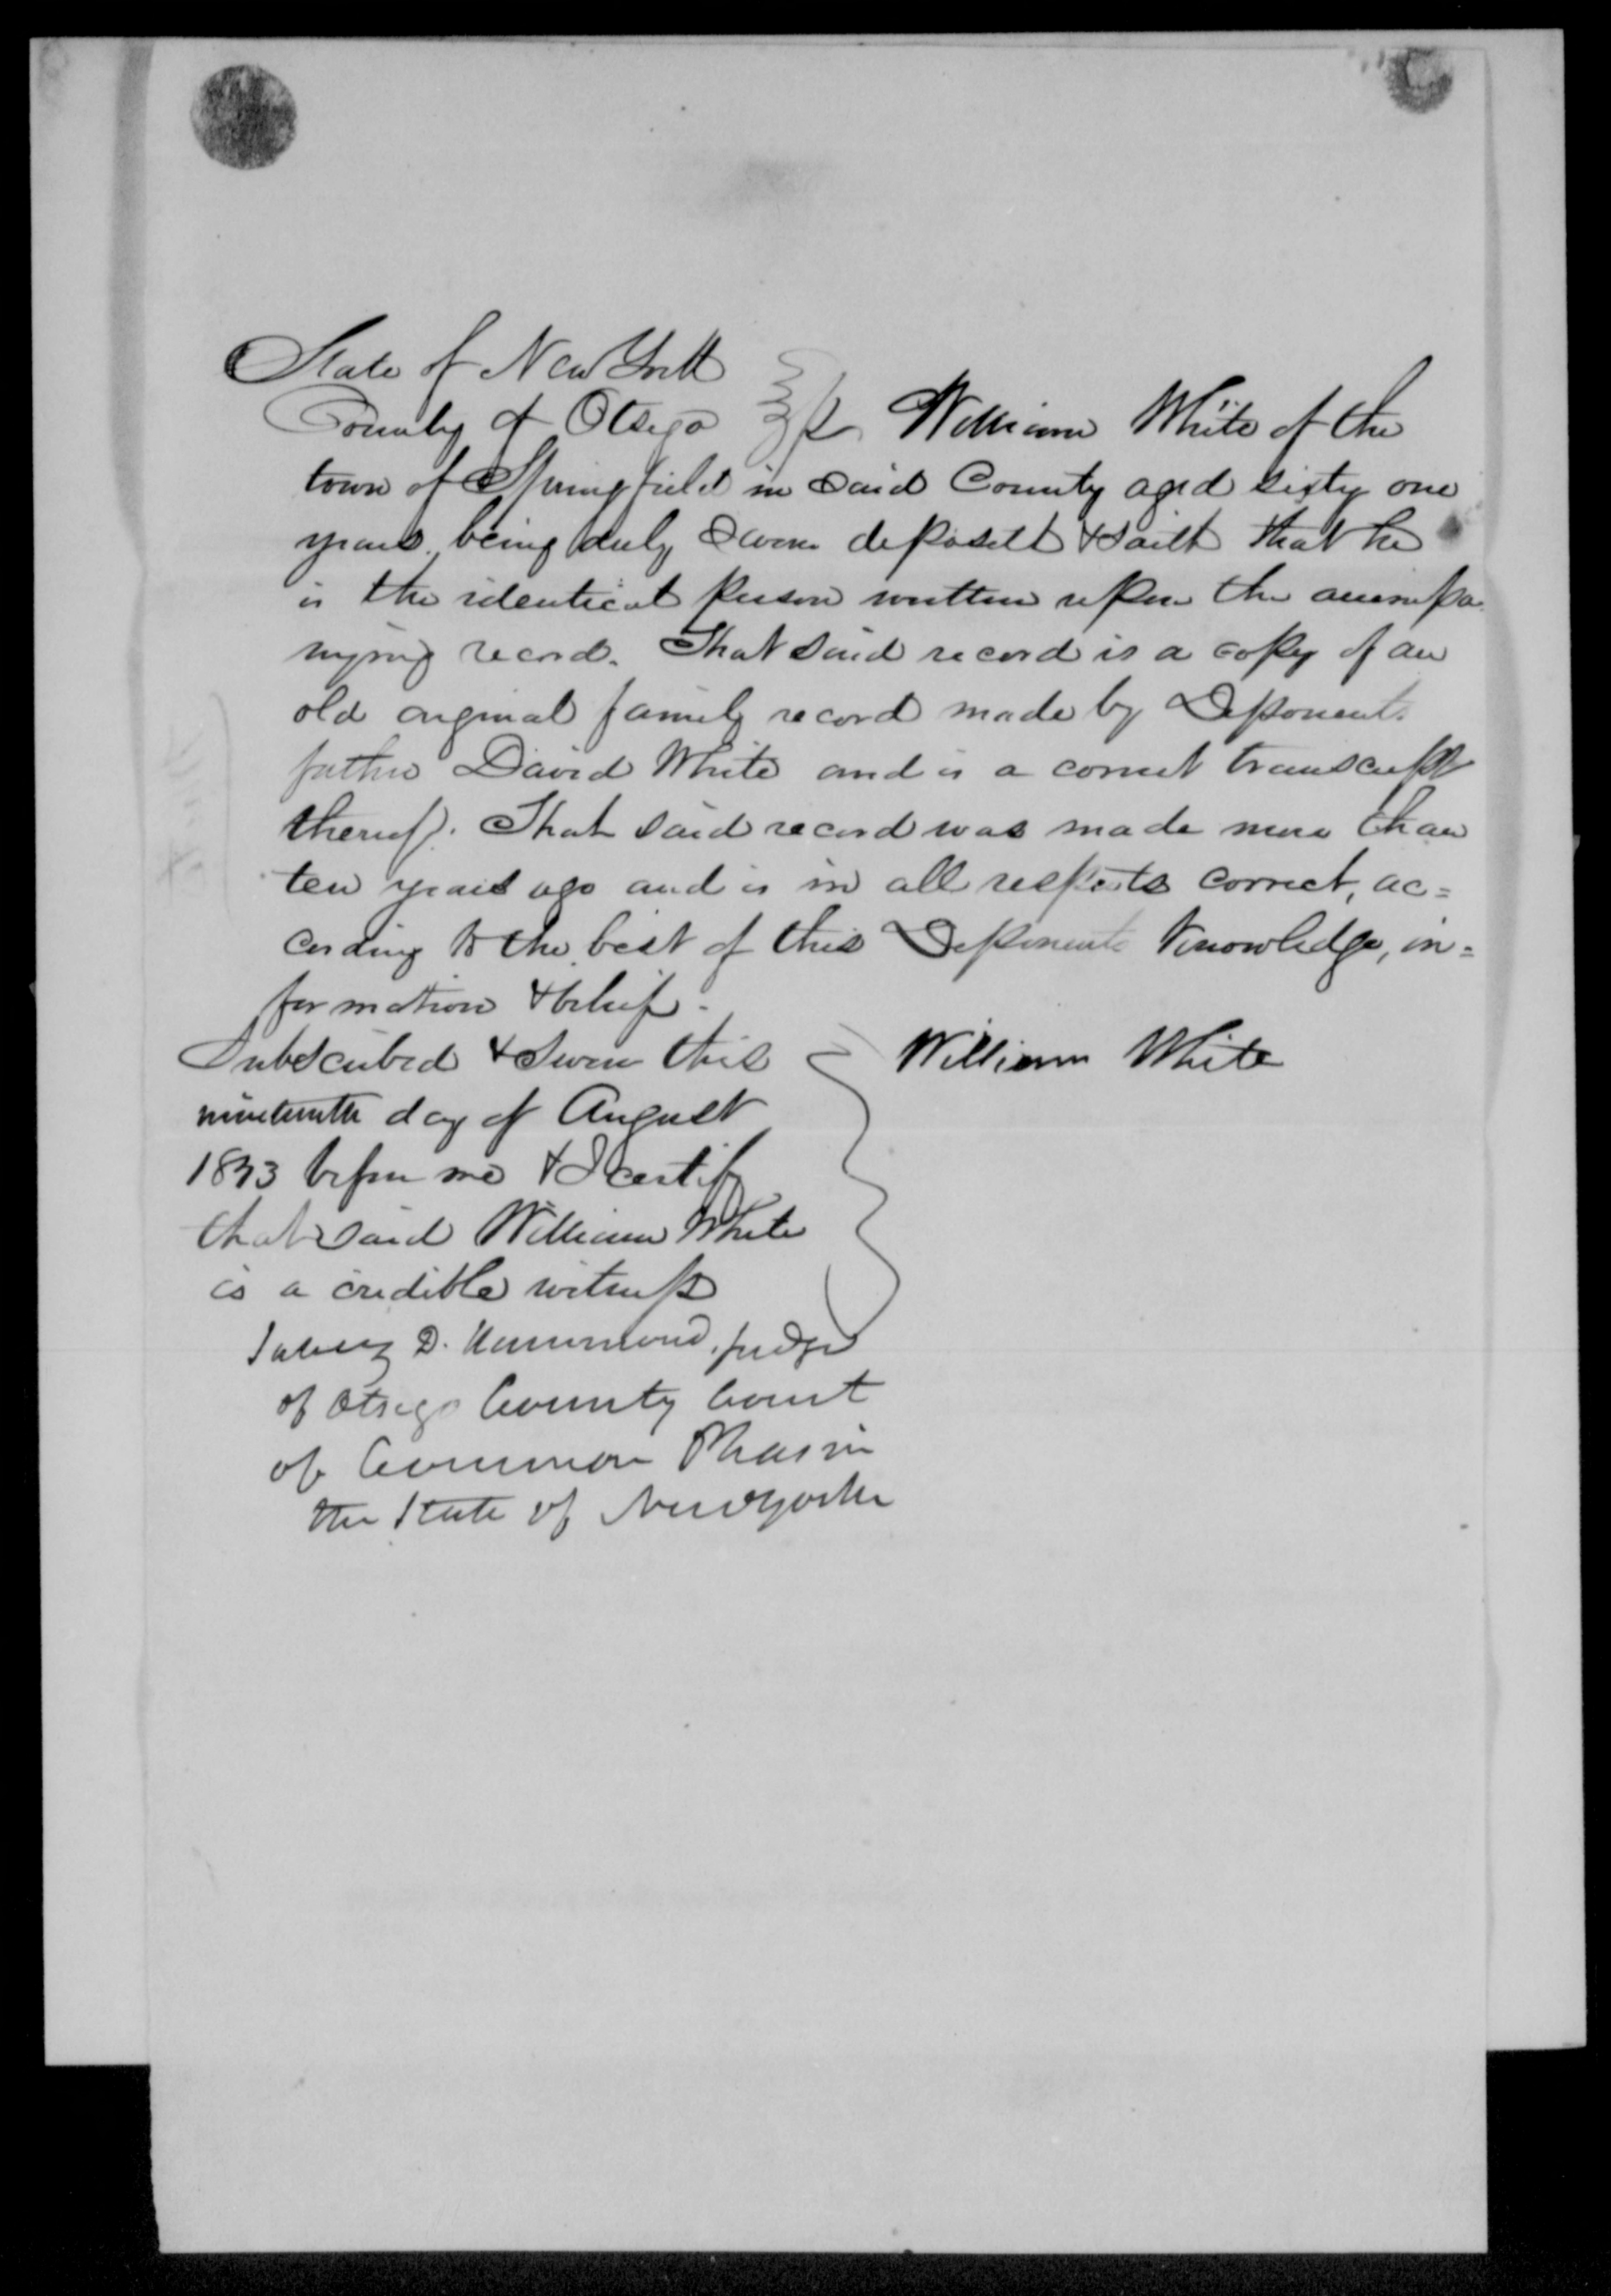State of New York}
County of Otsego}

I William White of the town of Springfield in said County aged sixty one years, being duly sworn deposeth & saith that he is the identical person written upon the accompanying record. That said record is a copy of an old original family record made by Deponent's father David White and is a correct transcript thereof. That said record was made more than ten years ago and is in all respects correct, according to the best of this Deponent's knowledge, information & belief.

William White

Subscribed & sworn this ninteenth day of August 1833 before me & I certify that said William White is a credible witness

Jabez D Hammond, Judge of Otsego County Court of Common Pleas in the State of New York.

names: David White, Jabez D Hummond, William White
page: 20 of 63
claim: widow's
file: W. 18403, David White, Conn.